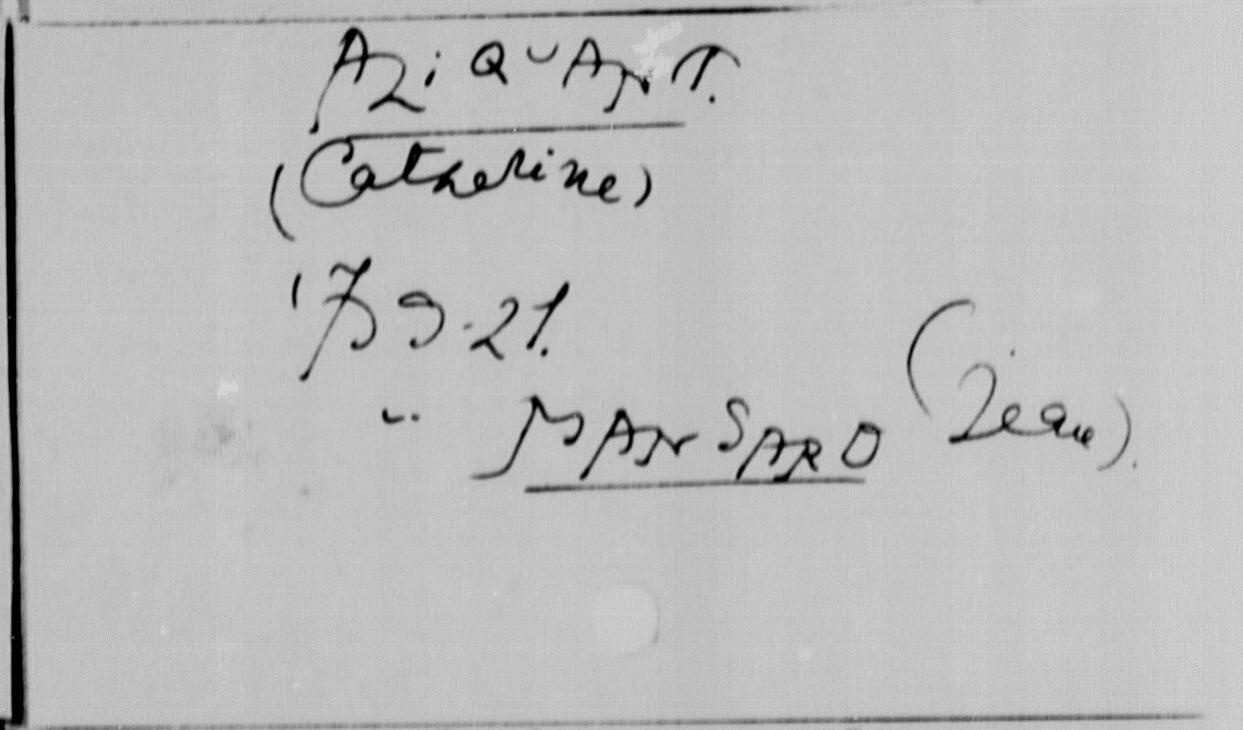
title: ALIQUANT (Catherine)
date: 1709-1721
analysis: Voir MANSARD (Jean)
